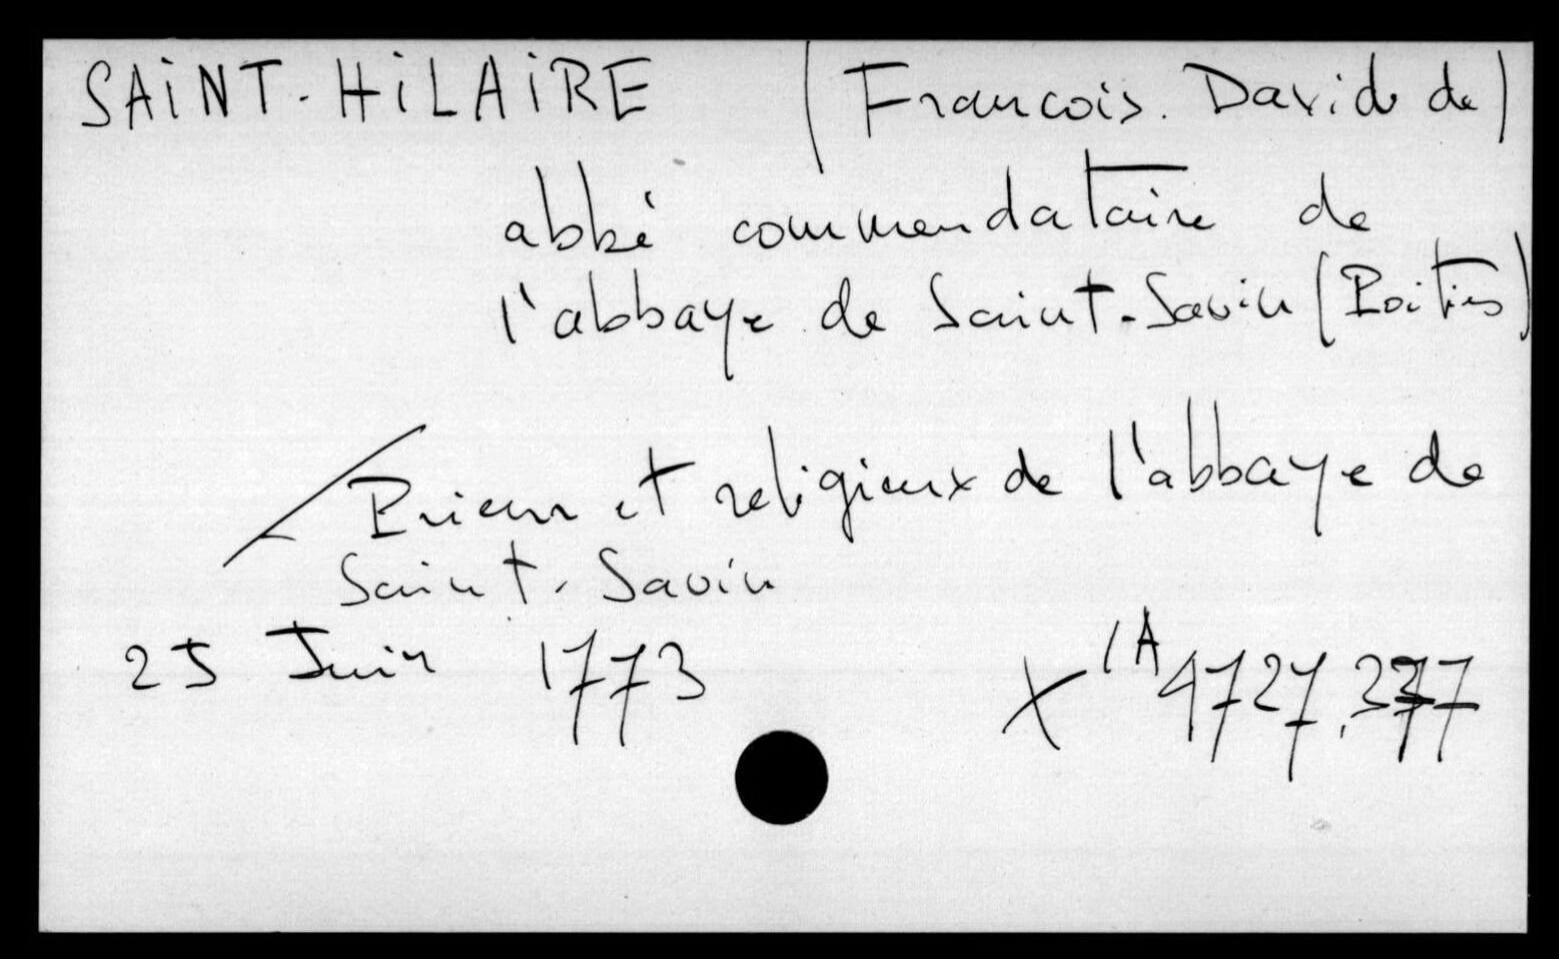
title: SAINT-HILAIRE (François-David de) abbé commendataire de l'abbaye de Saint-Savin (Poitiers)
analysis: Contre Prieur et religieux de l'abbaye de Saint-Savin
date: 25 juin 1773
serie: X1A
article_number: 4727
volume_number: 277
